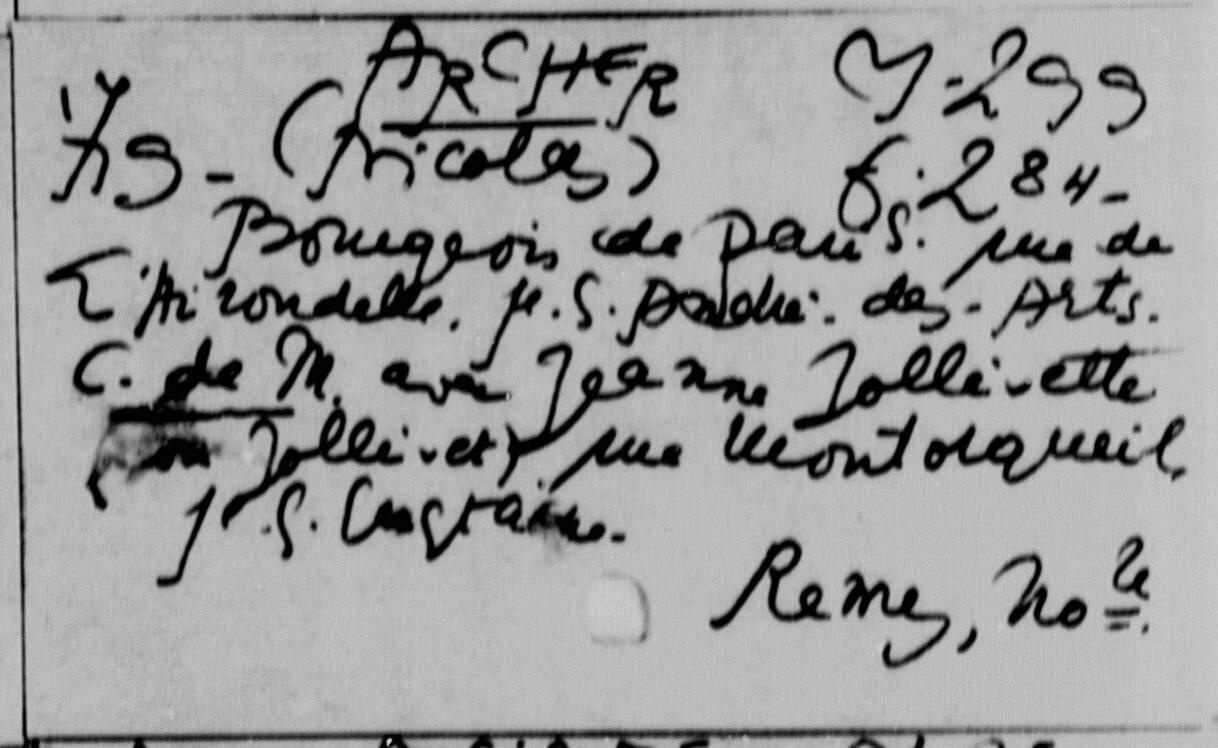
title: ARCHER (Nicolas)
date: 1719
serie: Y
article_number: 299
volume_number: fol. 284
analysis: Bourgeois de Paris, rue de l'Hirondelle, paroisse Saint-André-des-Arts. Contrat de mariage avec Jeanne Jollivette (ou Jollivet), rue Montorgueil, paroisse Saint-Eustache. Remy, notaire.
